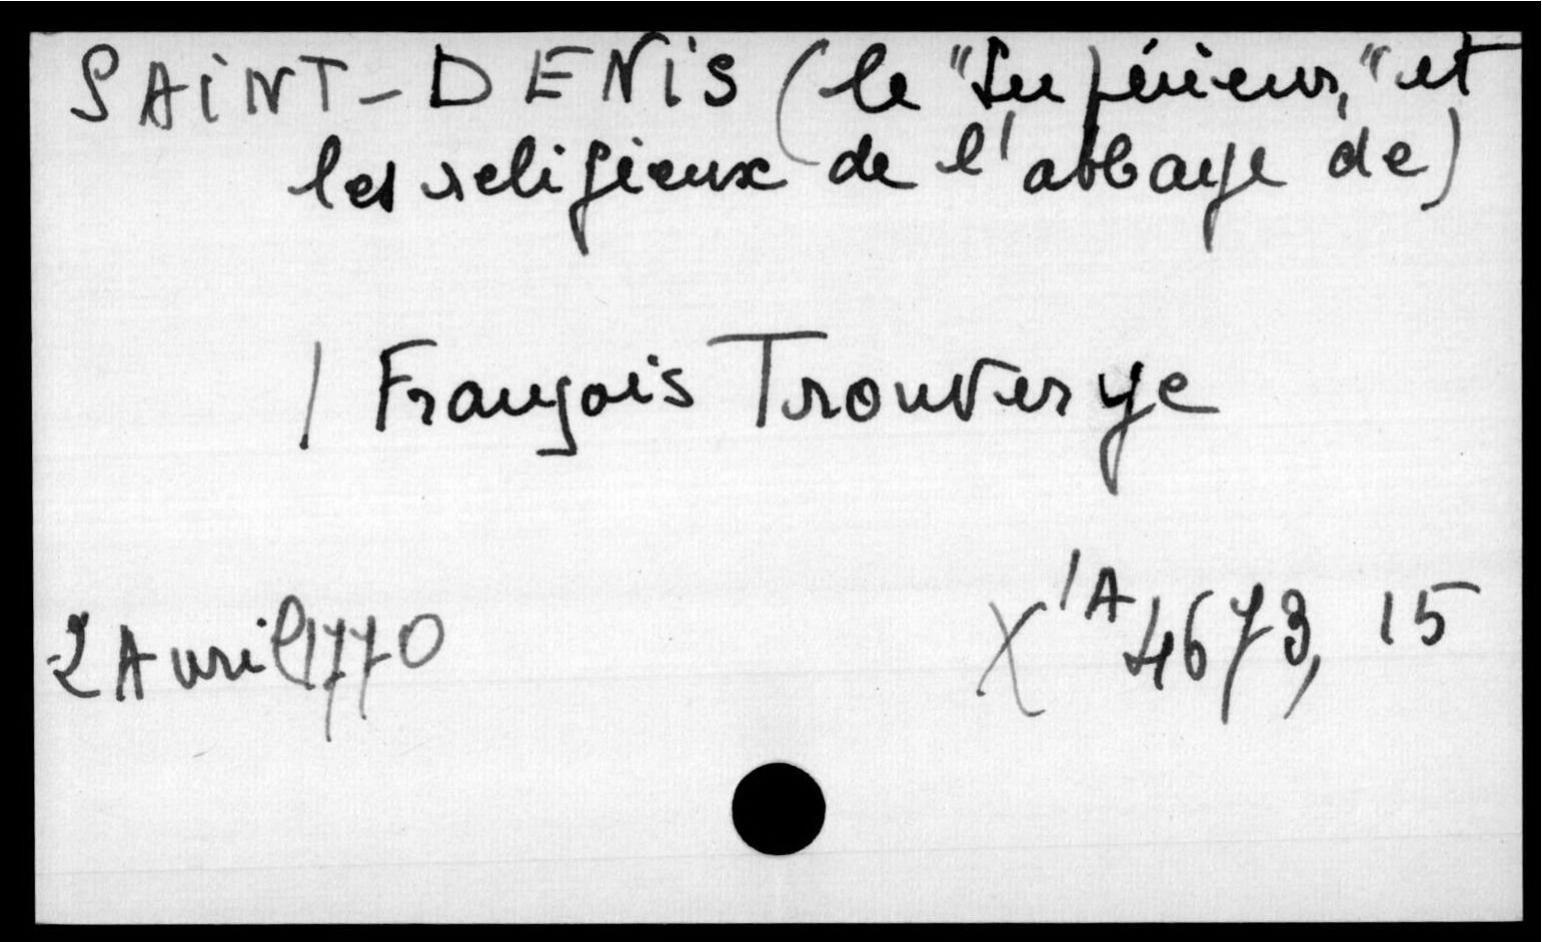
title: SAINT-DENIS (le "Supérieur", et les religieux de l'abbaye de)
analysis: Contre François Trouverye
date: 2 avril 1770
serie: X1A
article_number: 4673
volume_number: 15
